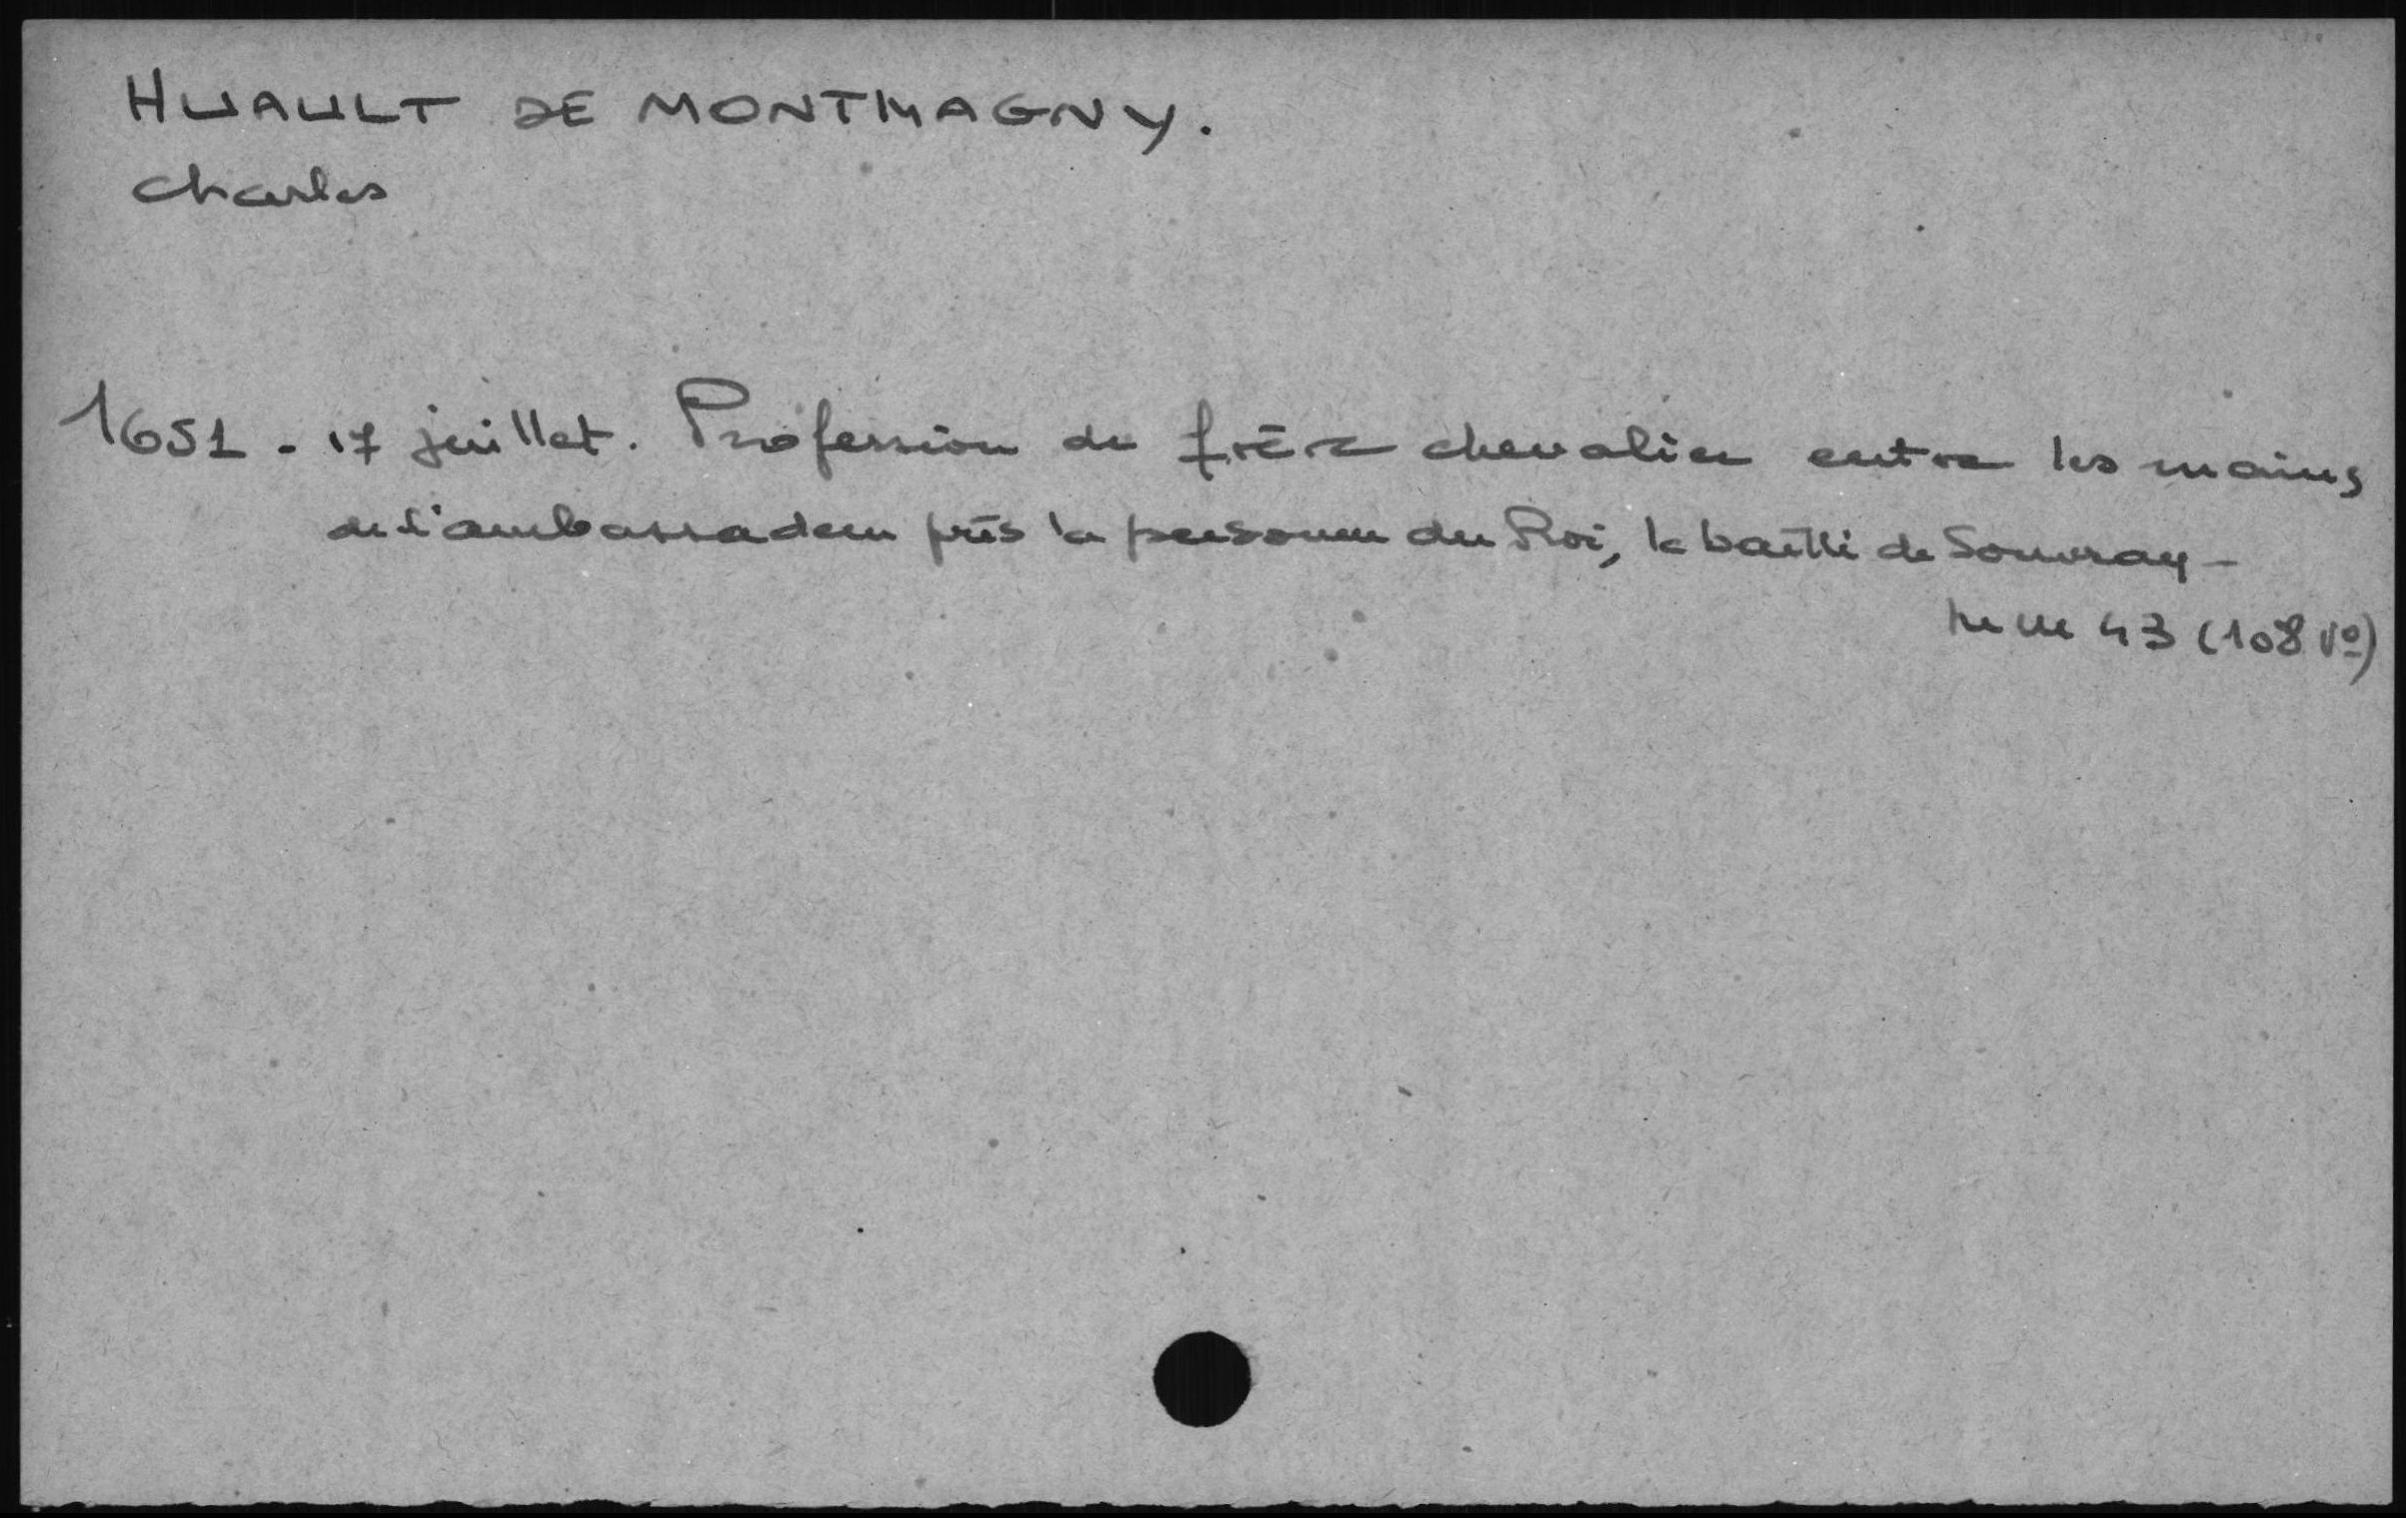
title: HUAULT DE MONTMAGNY, Charles
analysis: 1651, 17 juillet. Profession de frère chevalier entre les mains de l'ambassadeur près la personne du Roi, le bailli de Souvray. MM 43 (108v)
